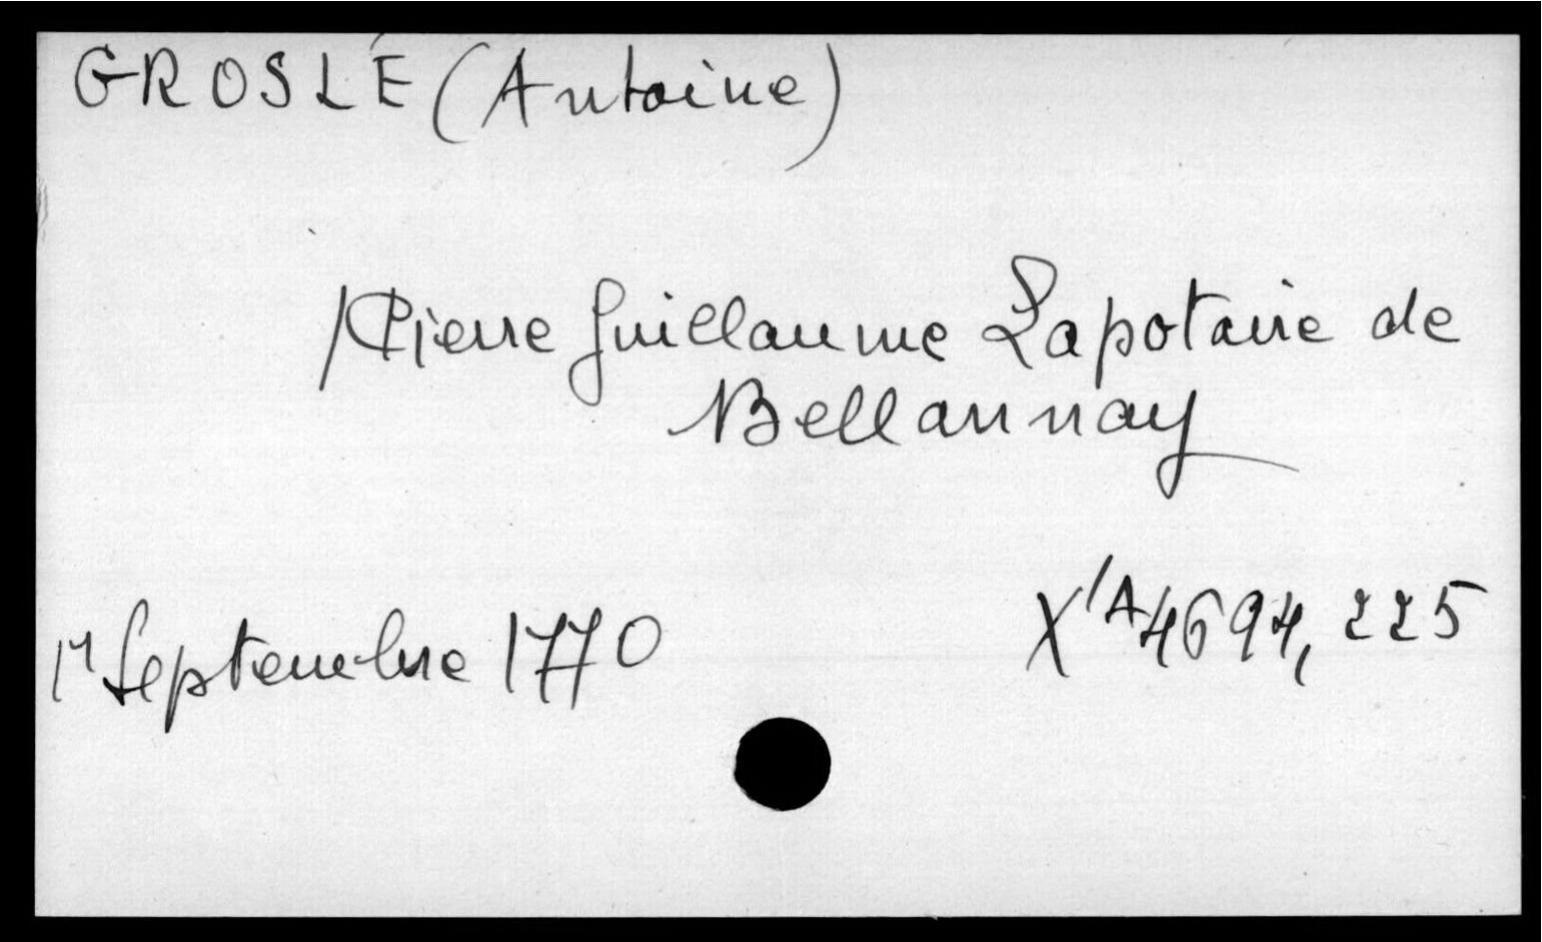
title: GROSLÉ (Antoine)
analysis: Contre Pierre Guillaume Lapotaire de Bellaunay
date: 1er septembre 1770
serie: X1A
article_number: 4694
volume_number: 225
